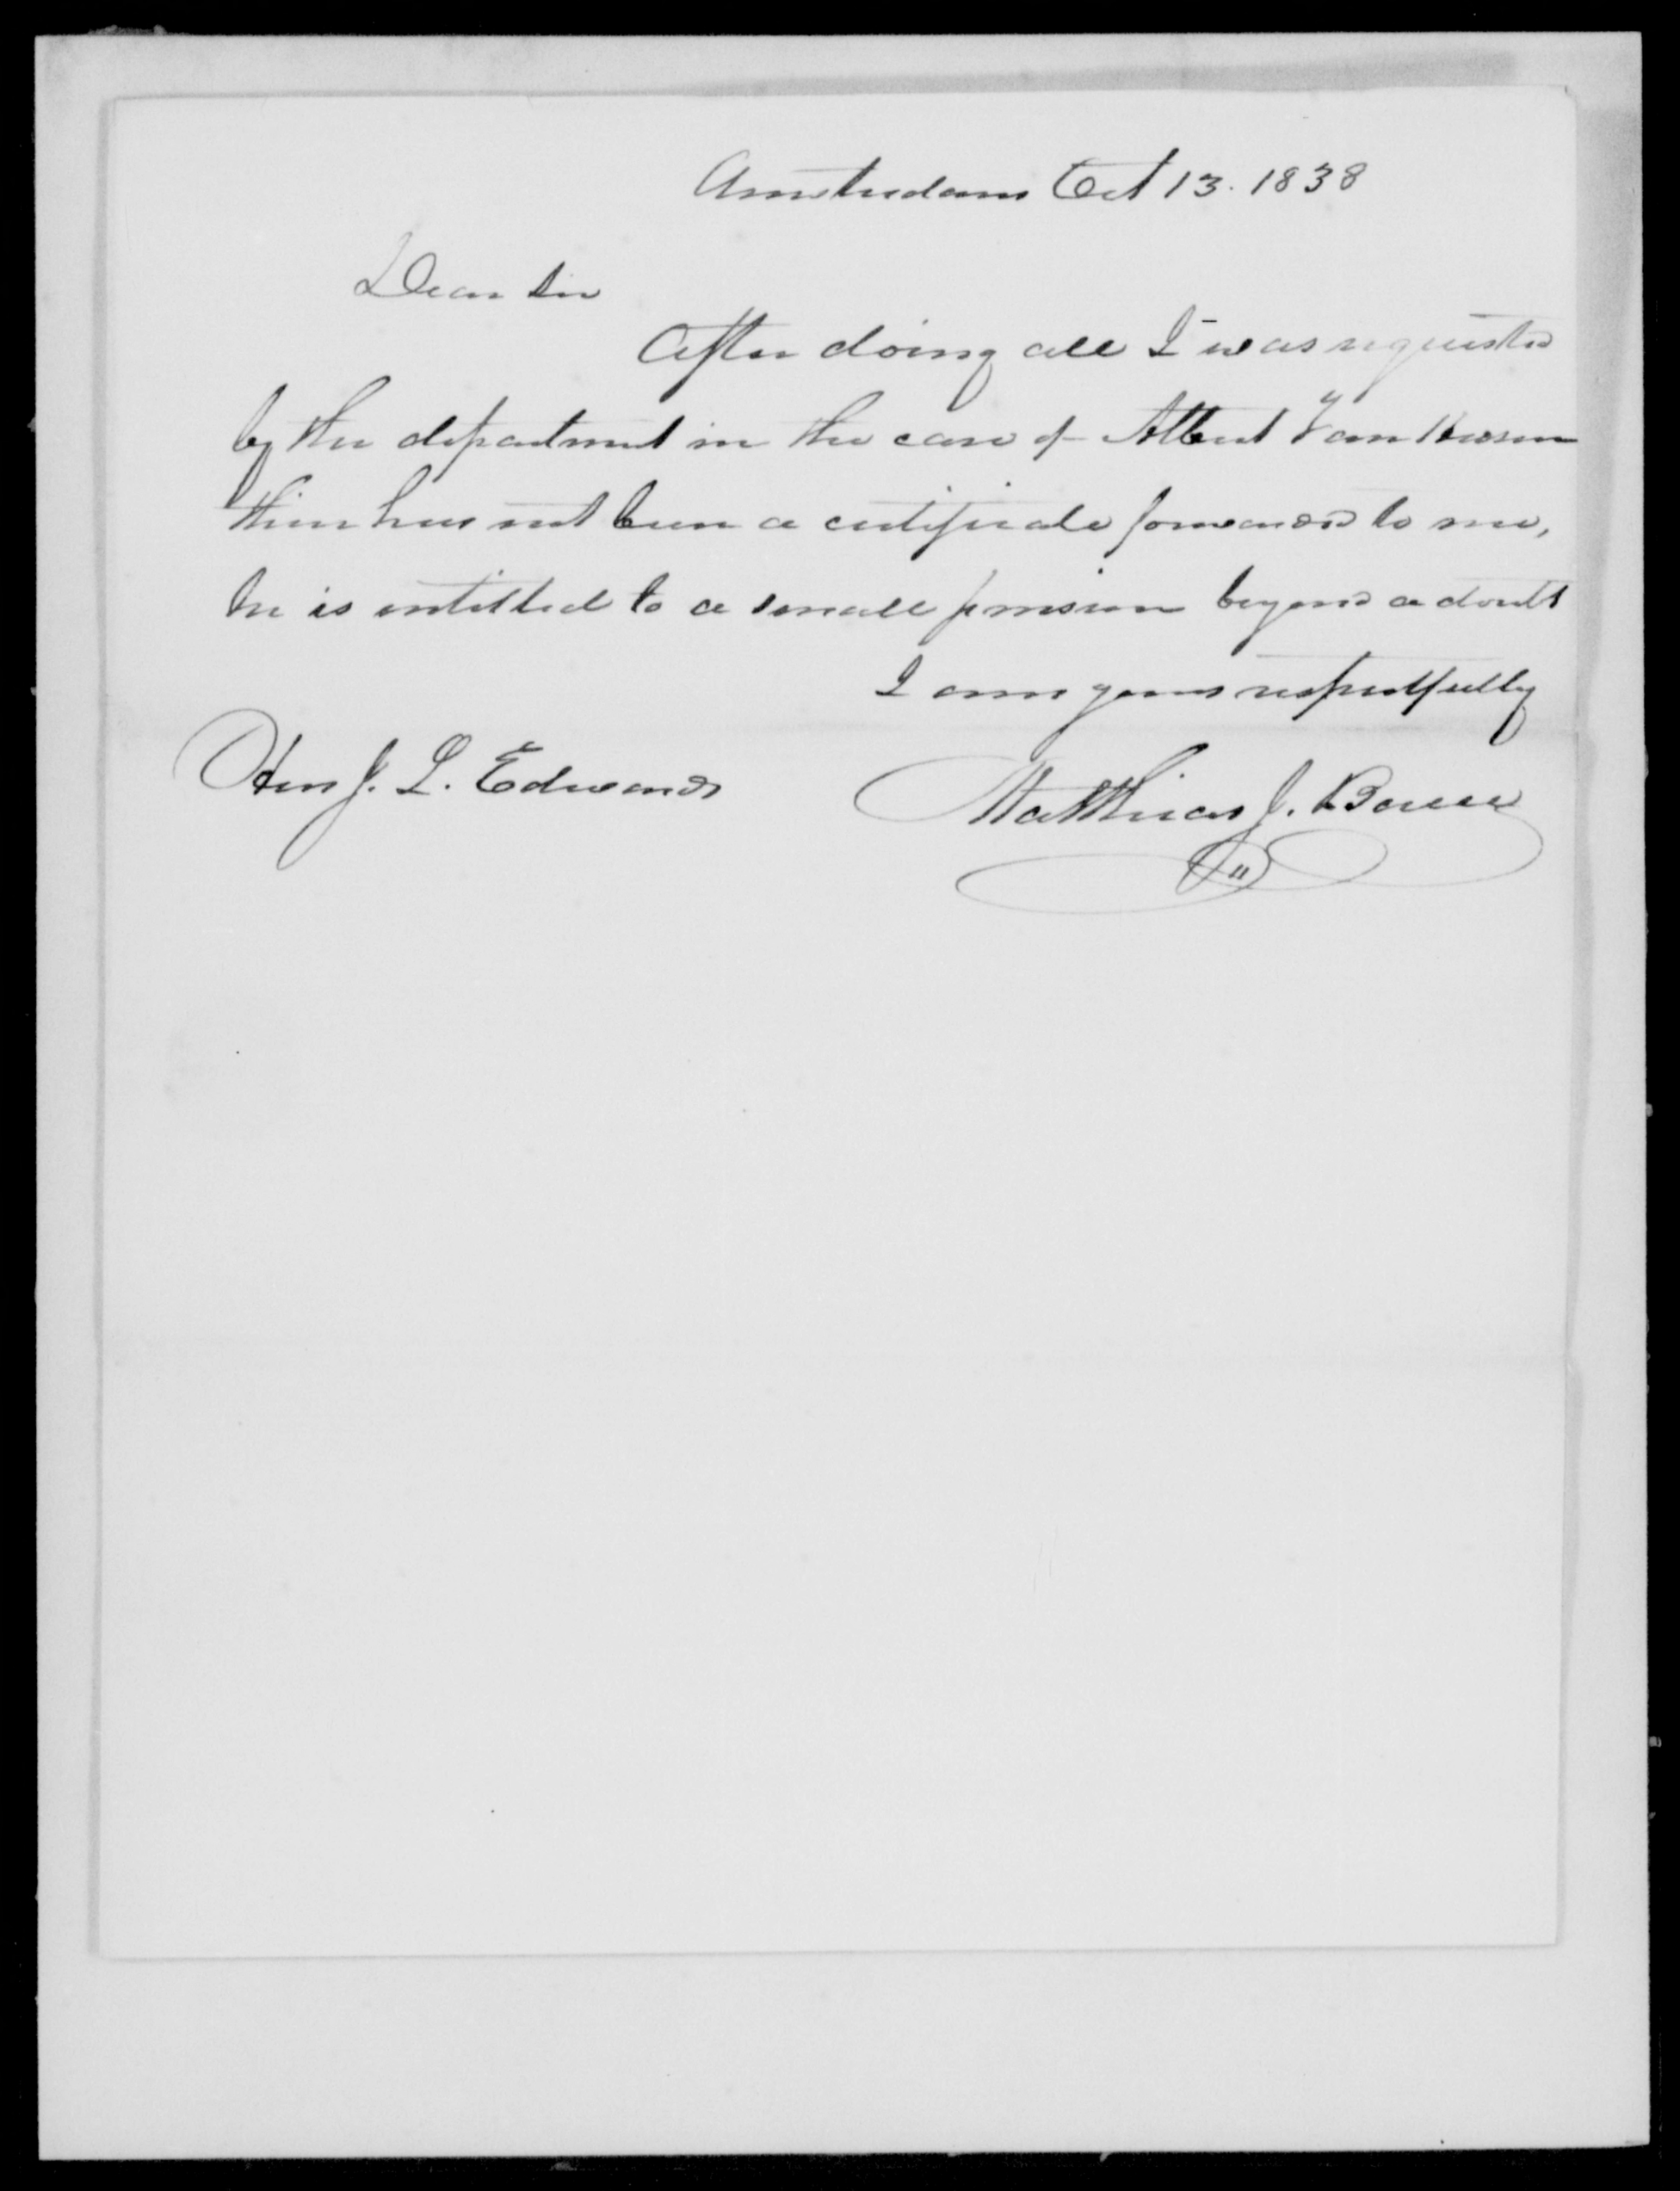Amsterdam Oct 13. 1838 
Dear Sir 
After doing all I was requested by the department in the case of Albert Van Husen there has not been a certificate forwarded to me, he is entitled to a small pension beyond a doubt 
I am yours respectfully 
[signed] Matthias J. Bovee

Hon J. L. Edwards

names: Matthias J Bovee, J L Edwards, Albert Van Husen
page: 34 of 57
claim: survivor's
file: S. 28,925, Albert Van Housen, New York